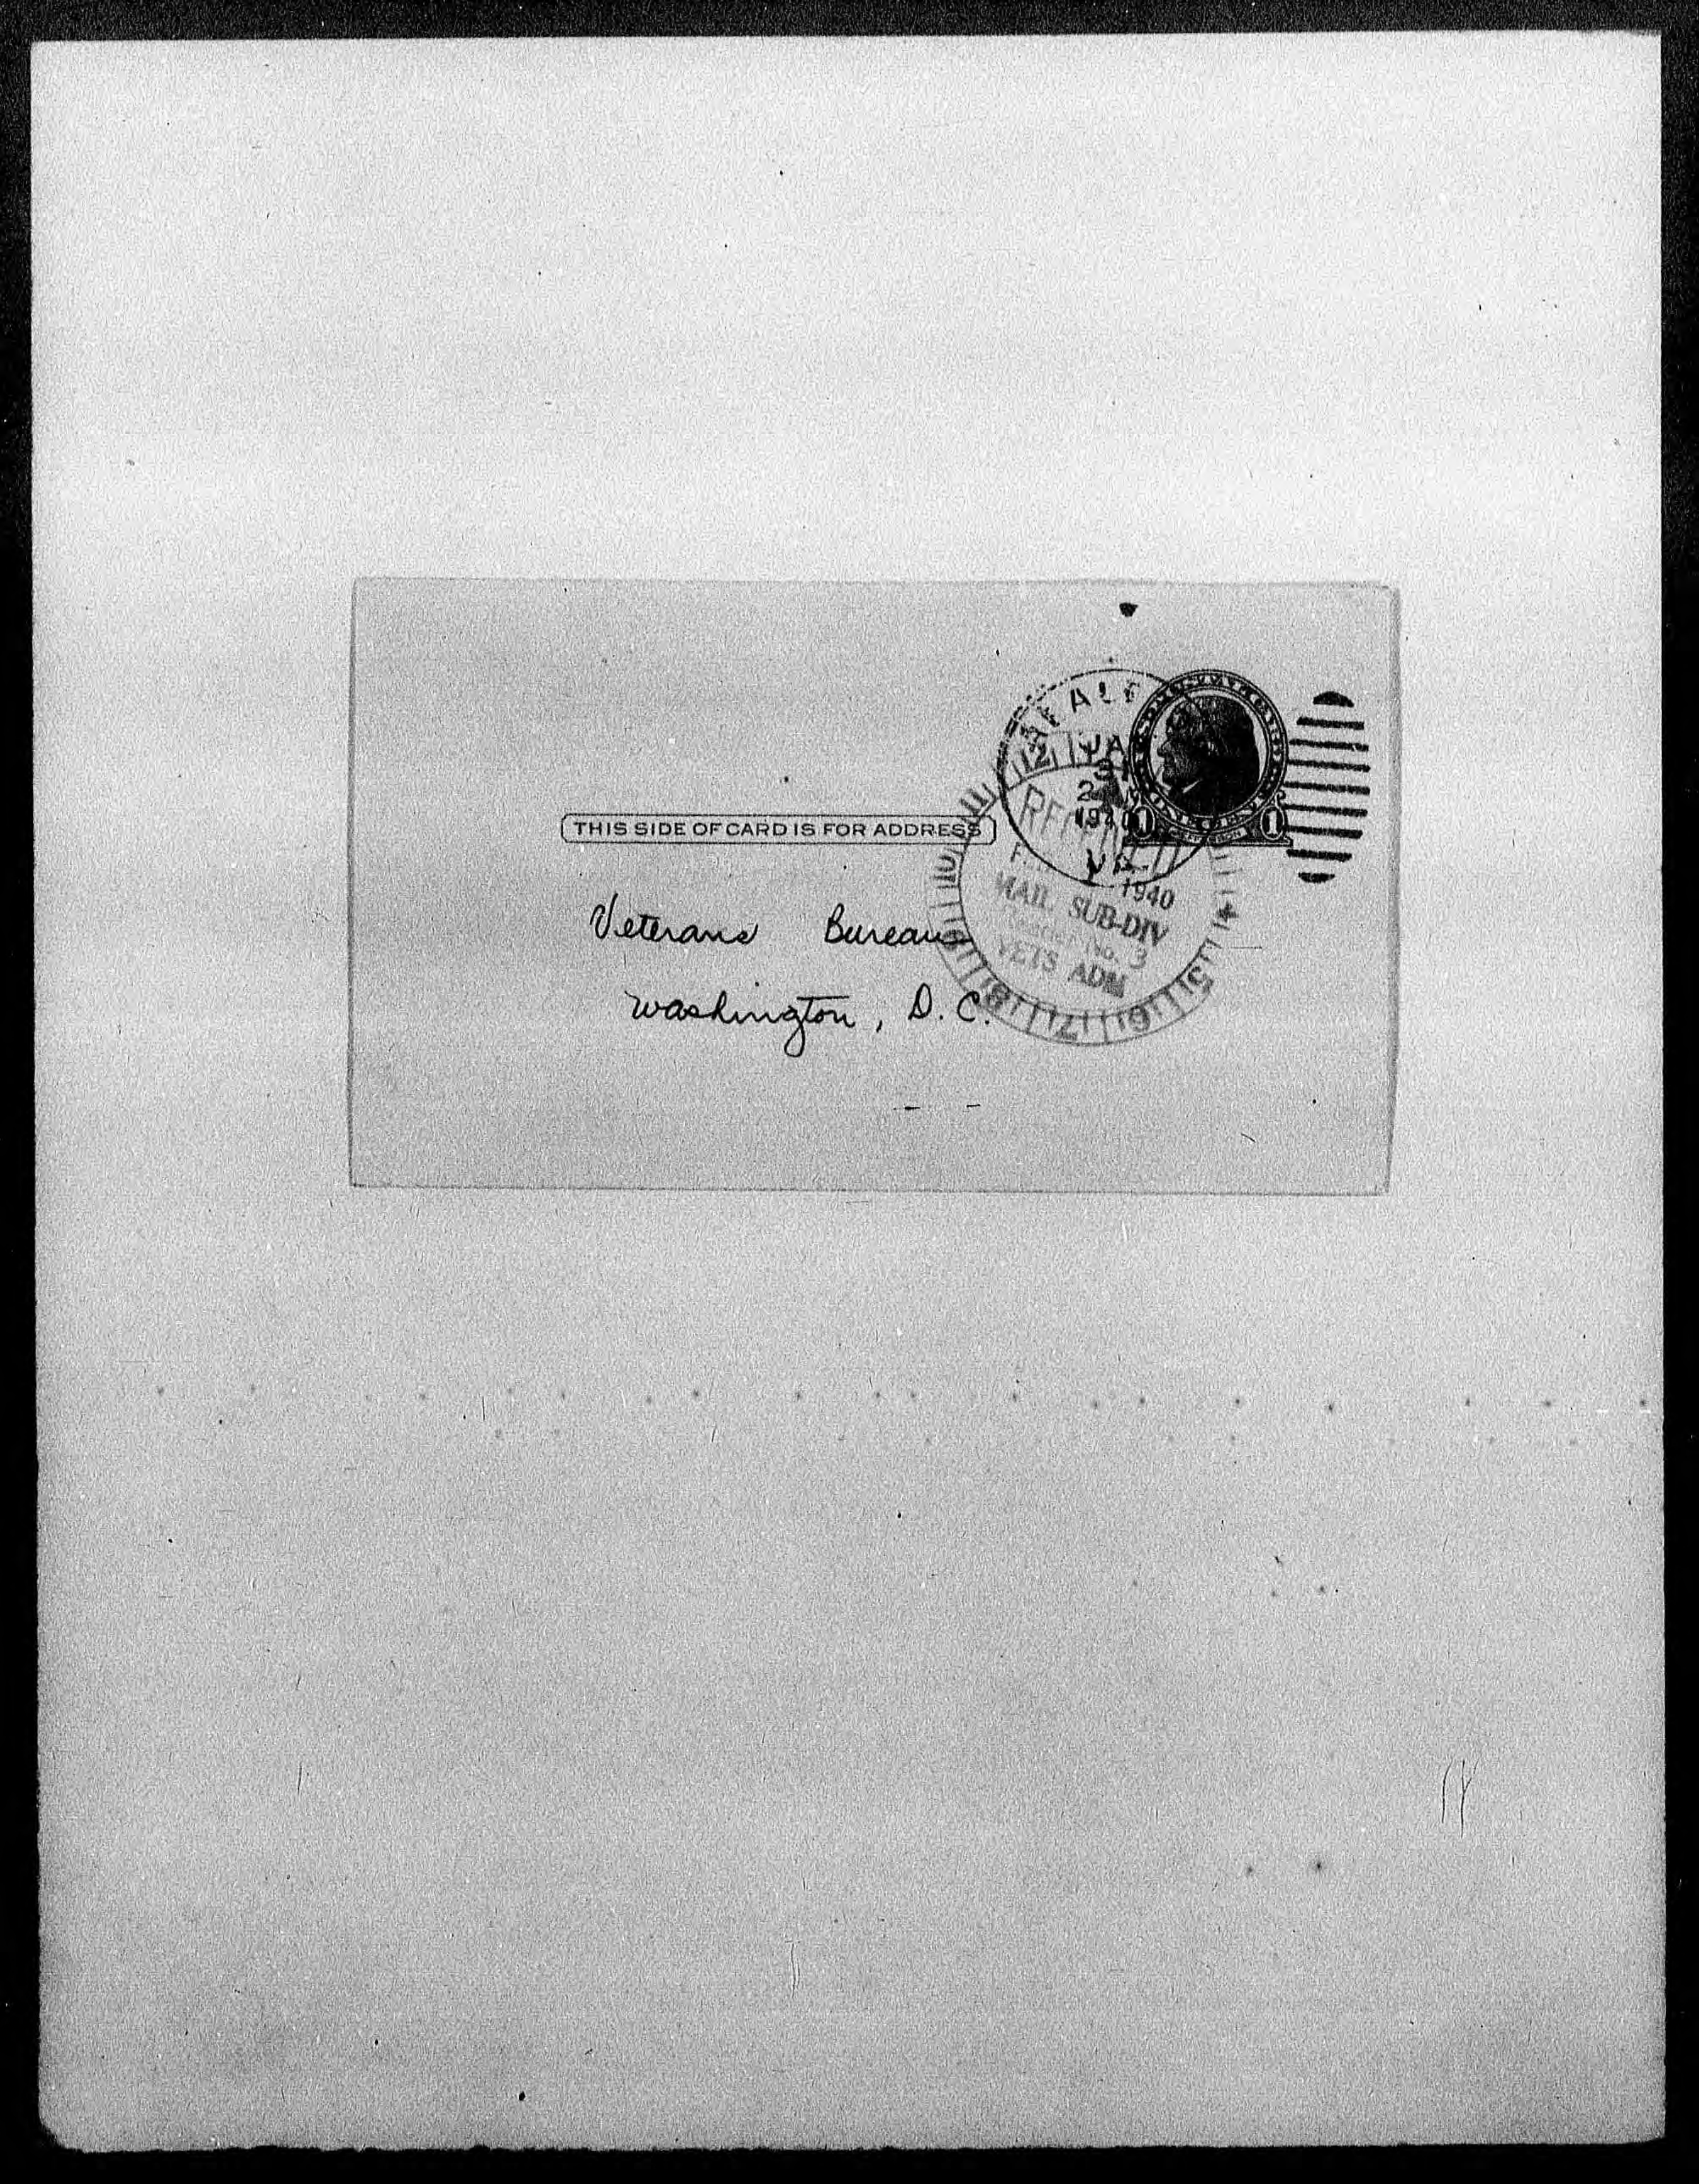[postcard with One Cent Postcard Stamp]

[circular stamp-postmark, illegible]

[circular stamp]
RECEIVED
FEB 1, 1940
MAIL SUB-DIV
Reader No. 3
VETS ADM

THIS SIDE OF CARD IS FOR ADDRESS
Veterans Bureau
Washington, D. C
-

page: 3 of 7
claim: bounty land warrant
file: B. L. Wt. 934-200, Thomas Hungerford, Va.